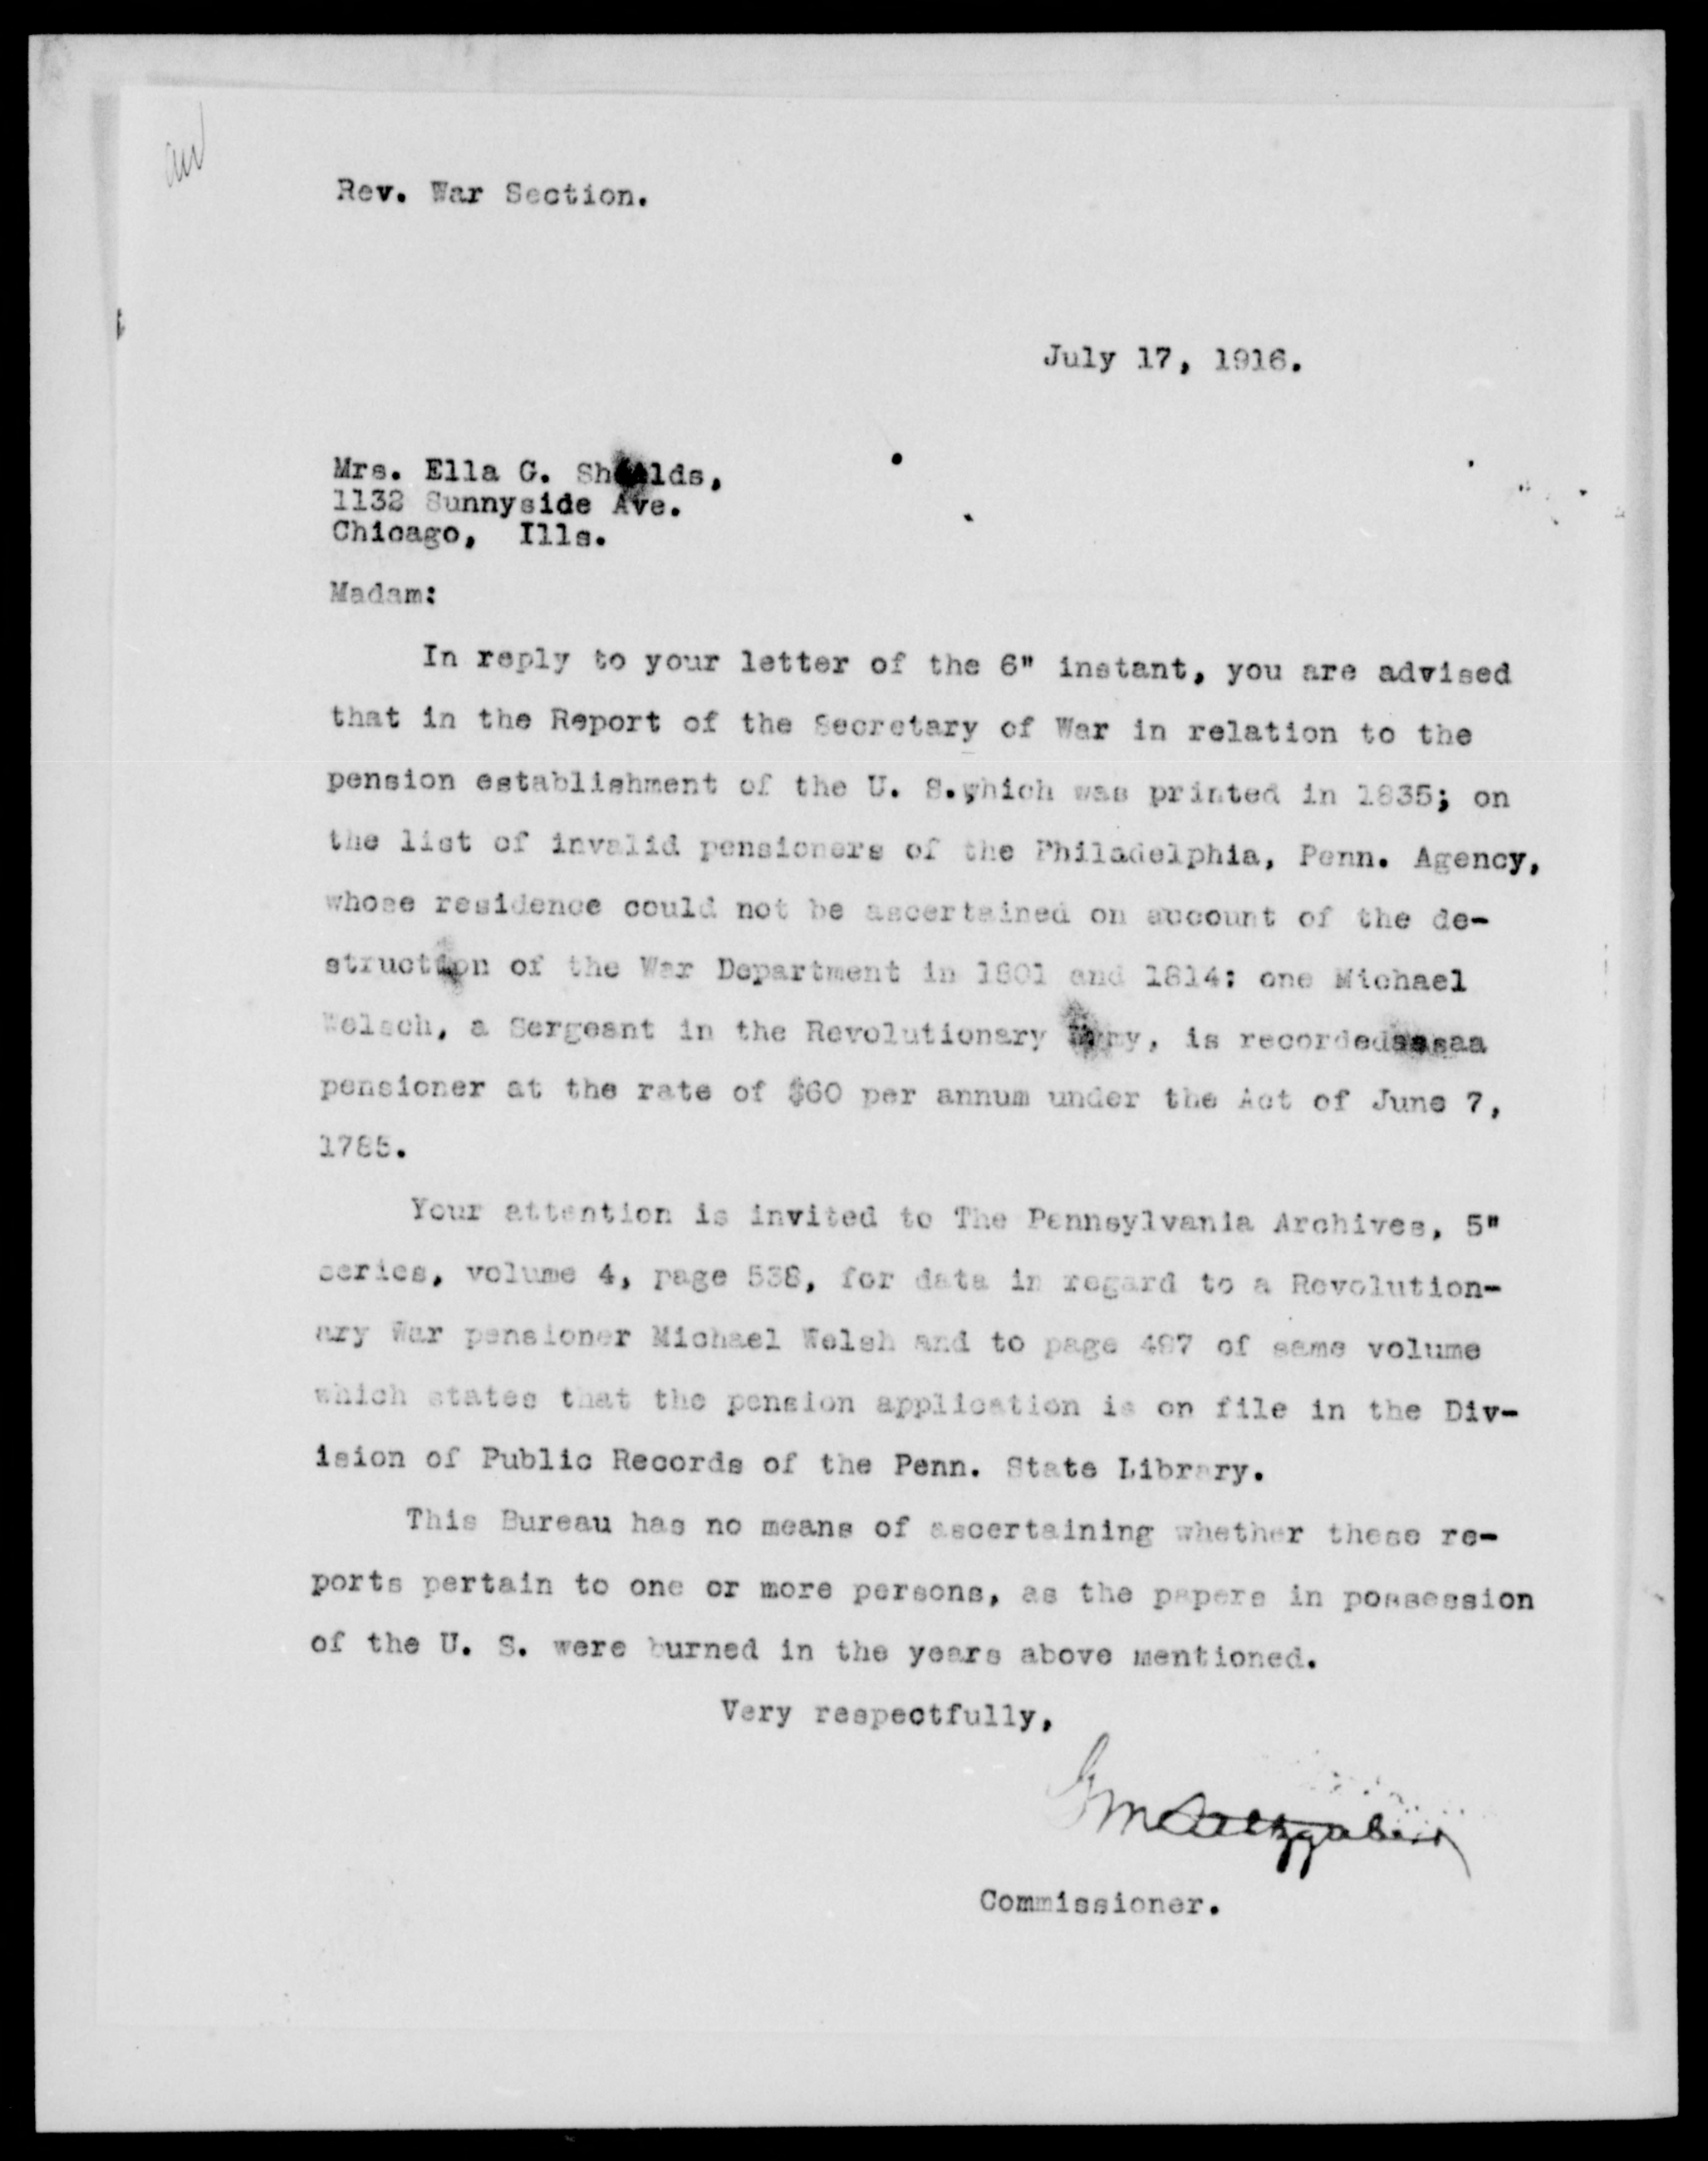Rev. War Section.

July 17, 1916.

Mrs. Ella G. Shields
1132 Sunnyside Ave.
Chicago, Ills.

Madam:

In reply to your letter of the 6" instant, you are advised
that in the Report of the Secretary of War in relation to the 
pension establishment of the U. S., which was printed in 1835; on
the list of invalid pensioners of the Philadelphia, Penn. Agency,
whose residence could not be ascertained on account of the destruction
of the War Department in 1801 and 1814; one Michael
Welsch, a Sergeant in the Revolutionary Army, is recordedsasaa
pensioner at the rate of $60 per annum under the Act of June 7, 
1785.
Your attention is invited to The Pennsylvania Archives, 5" 
series, volume 4, page 538, for data in regard to a Revolutionary 
War pensioner Michael Welsh and to page 497 of same volume 
which states that the pension application is on file in the Division 
of Public Records of the Penn. State Library.
This Bureau has no means of ascertaining whether these reports 
pertain to one or more persons, as the papers in possession 
of the U. S. were burned in the years above mentioned.
Very Respectfully,
GM Saltzgaber [signature]
Commissioner.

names: Michael Welsh, Michael Welsch, Ella G Shields, G W Saltzgaber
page: 2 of 3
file: [BLANK], Michael Welsch, Penn Res. & Probably Troops Of Penn.